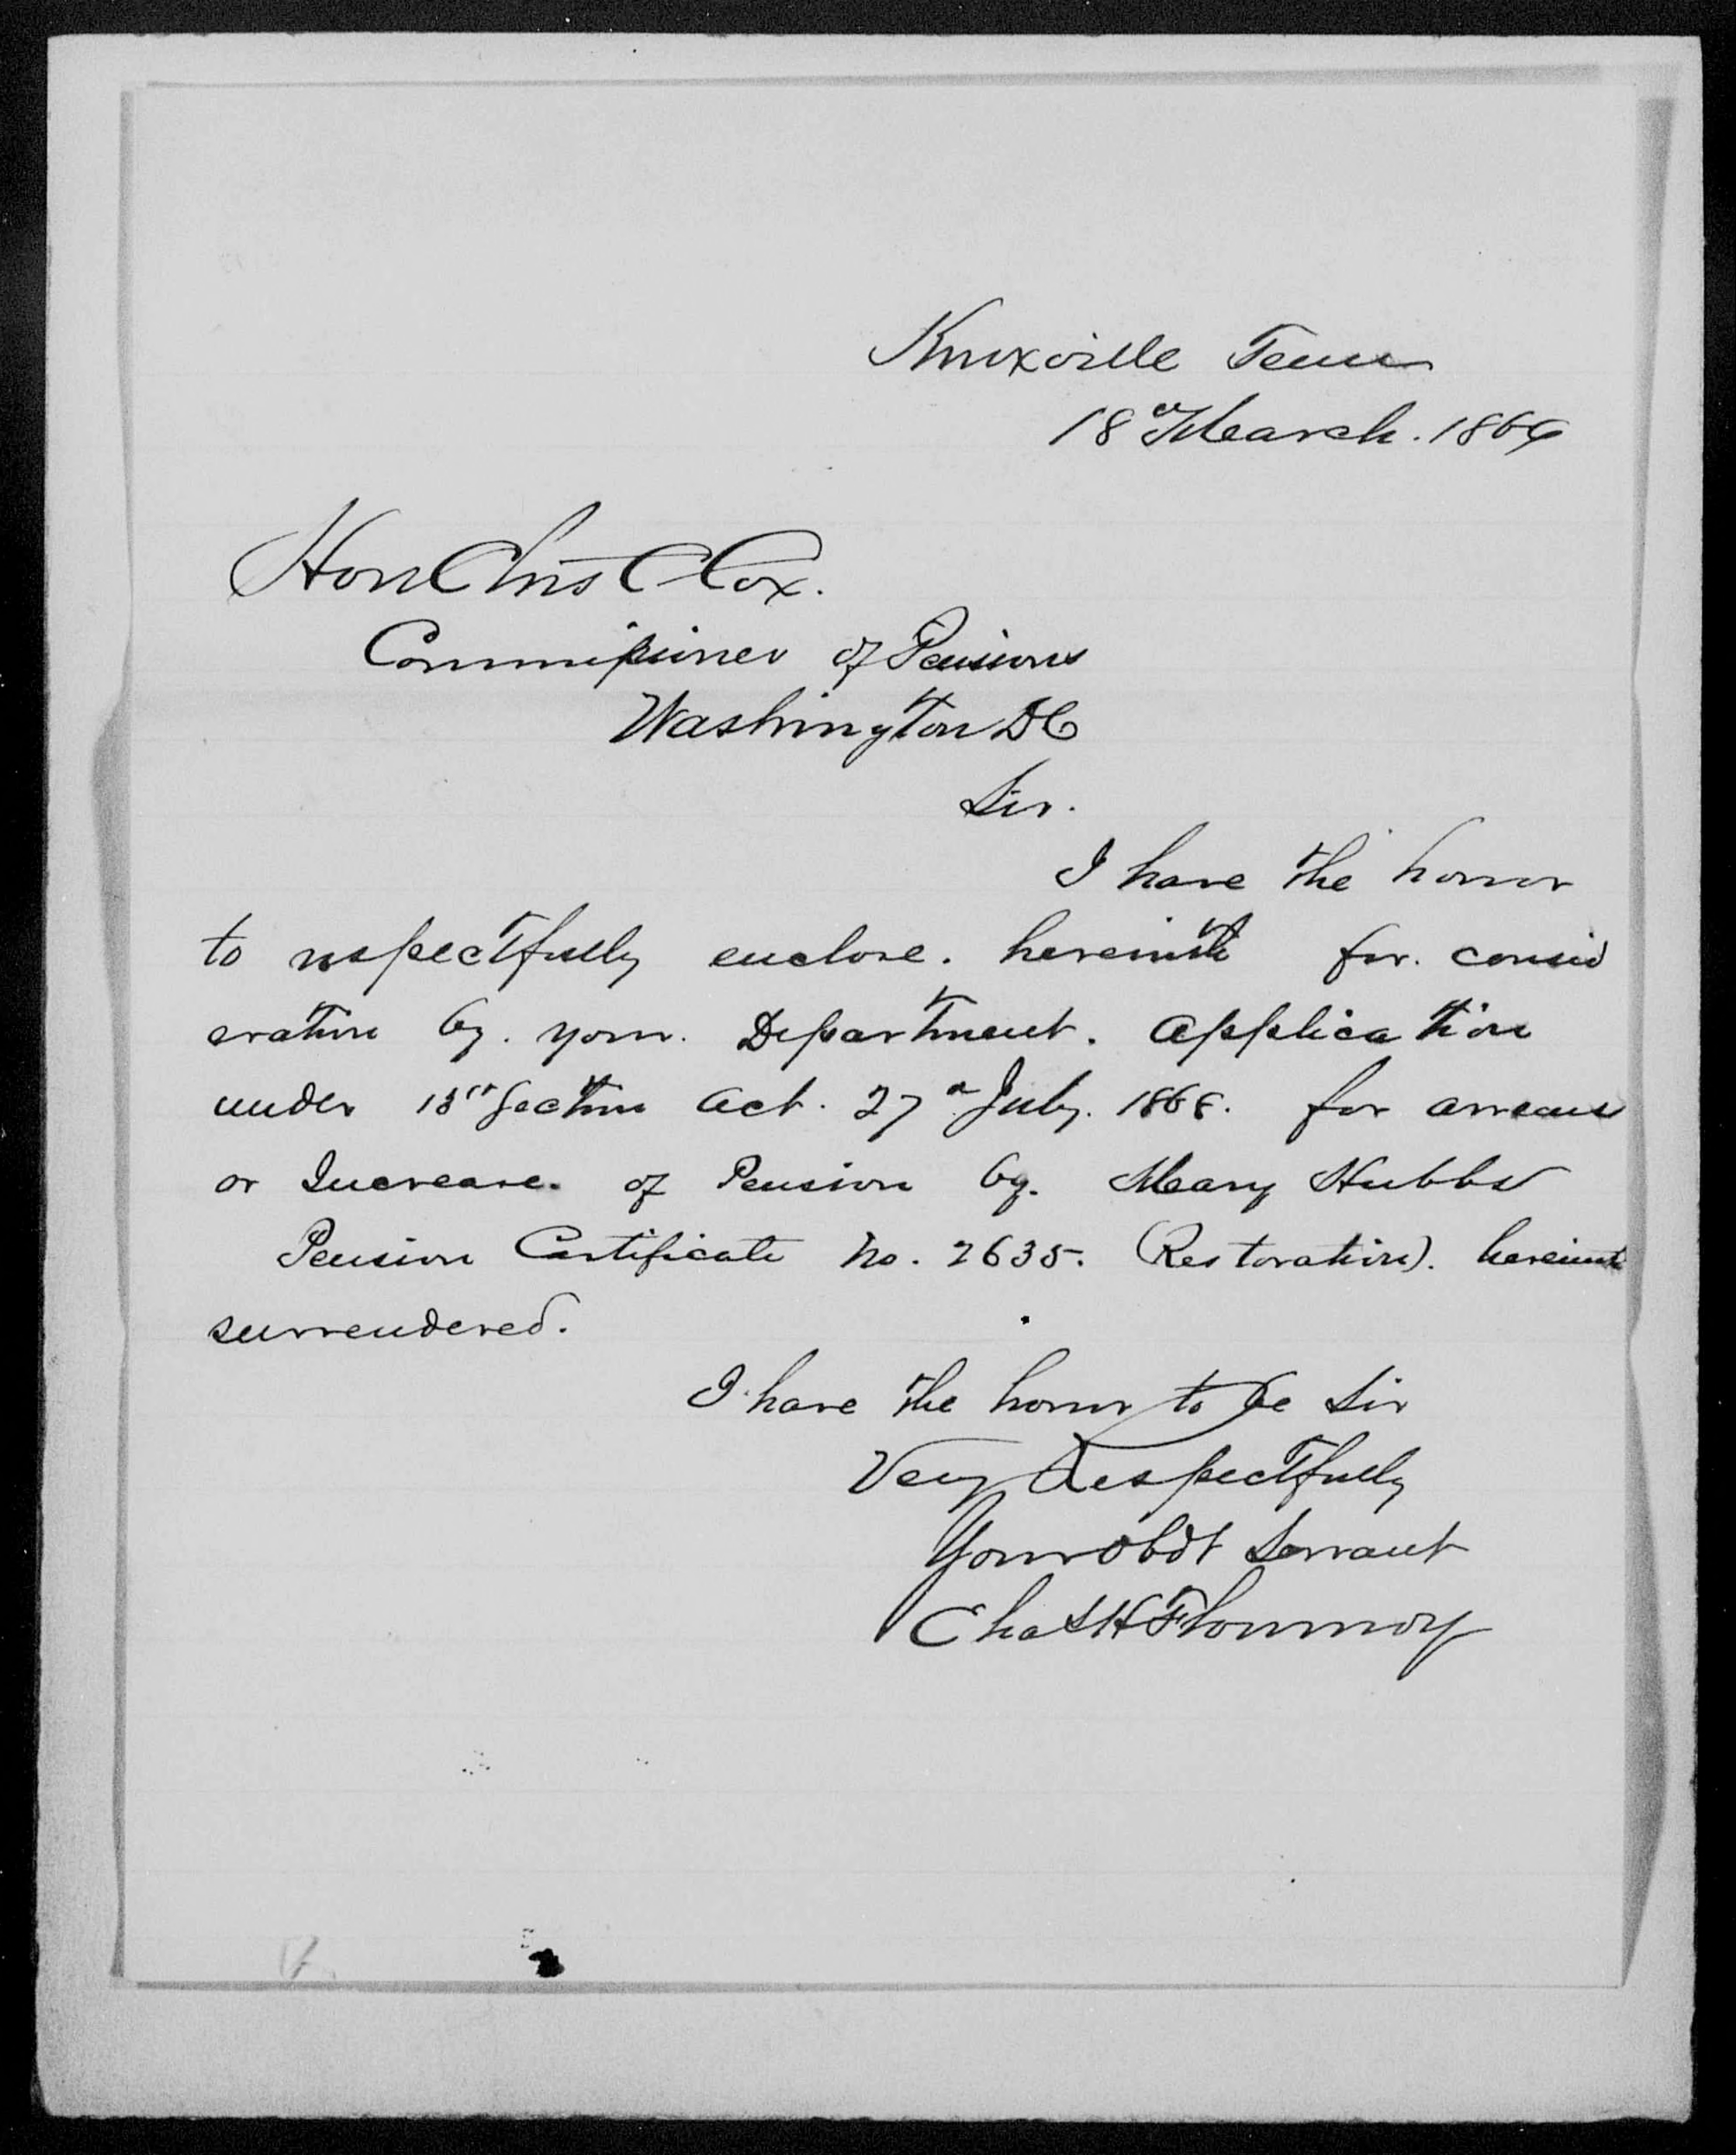Knoxville Tenn
18 March 1869

Hon. Chas C Cox
Commissioner of Pensions
Washington DC
Sir,
I have the honor to respectfully enclose herewith for consideration by your Department Application under "Section Act 27d July 1866 for arrears or Increase of Pensions by Mary Hubbs Pension Certificate No. 2635. (Restoration) herewith Surrendered.
I have the honor to be Sir
Very Respectfully
Your Obt Servant
Chas H. Flournoy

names: Mary Hubbs, Chas H Flournoy, Chrs C Cox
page: 56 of 86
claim: widow's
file: W. 1035, John Hubbs, S.C.